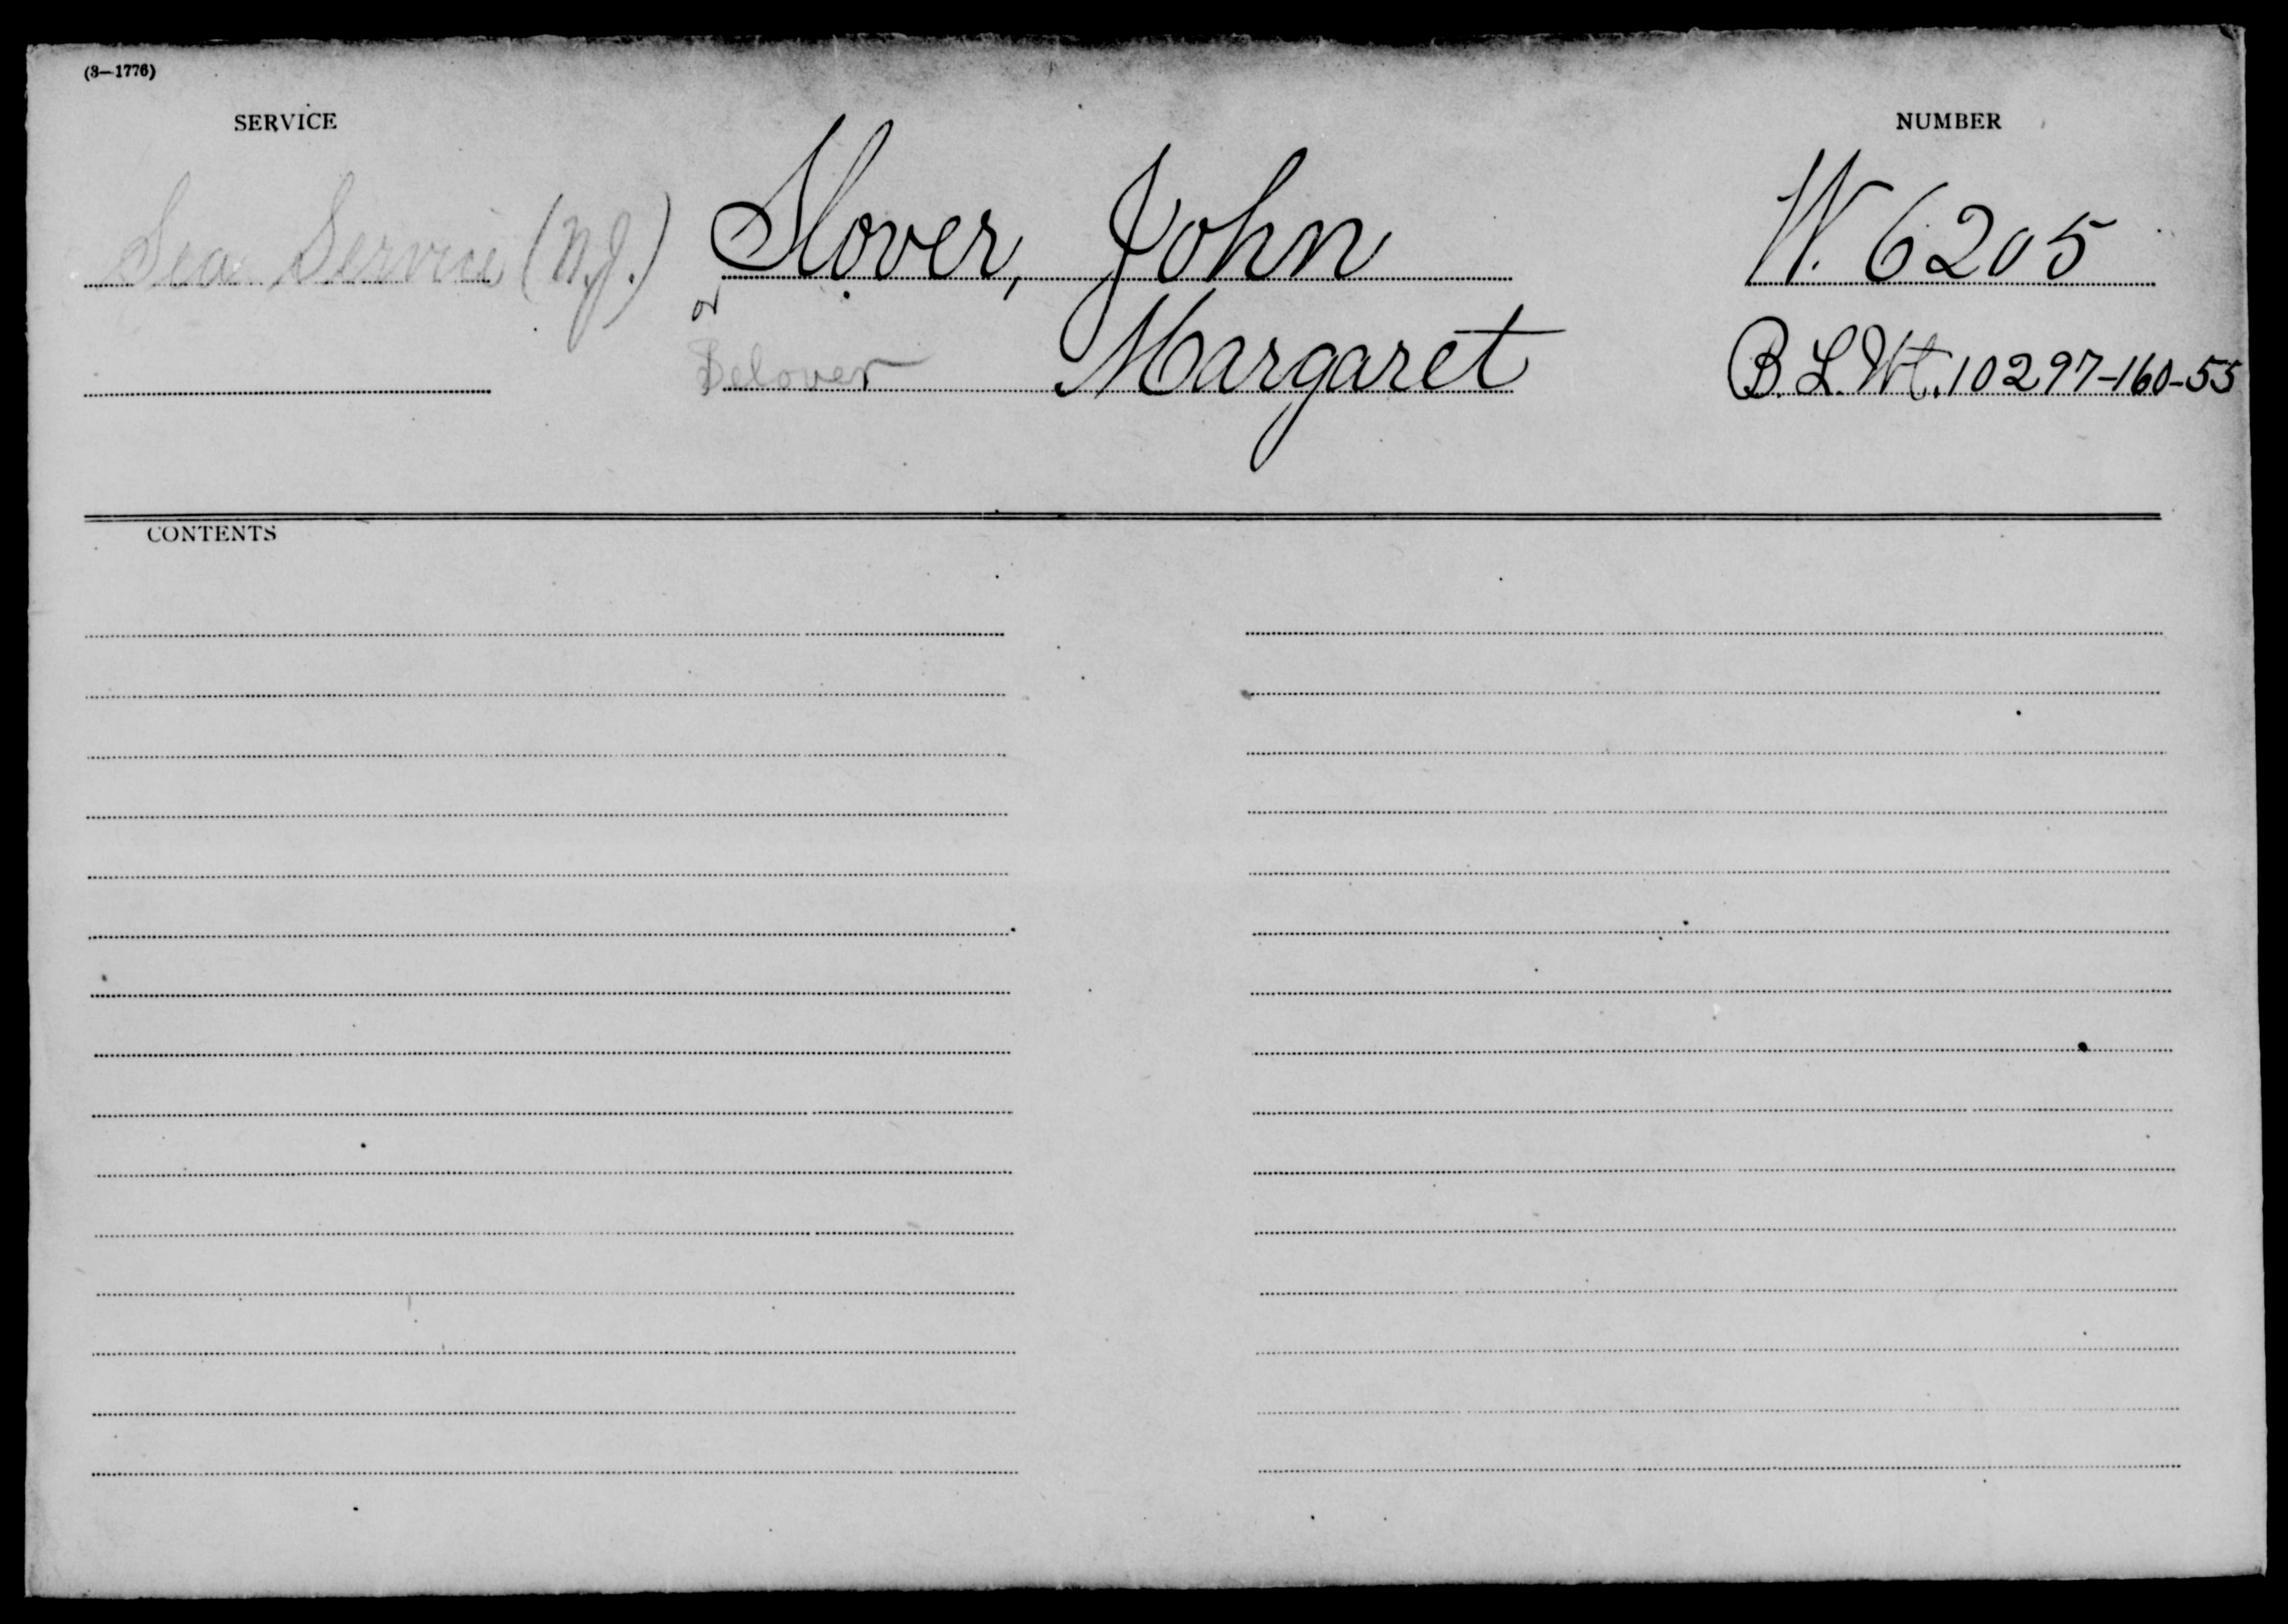Service - Sea Service (N.J.)
Slover, John
Slover, Margaret

Number - W. 6205
B.L. {unknown} 10297-160-55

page: 1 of 46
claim: widow's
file: W. 6205, for John Slover, New Jersey